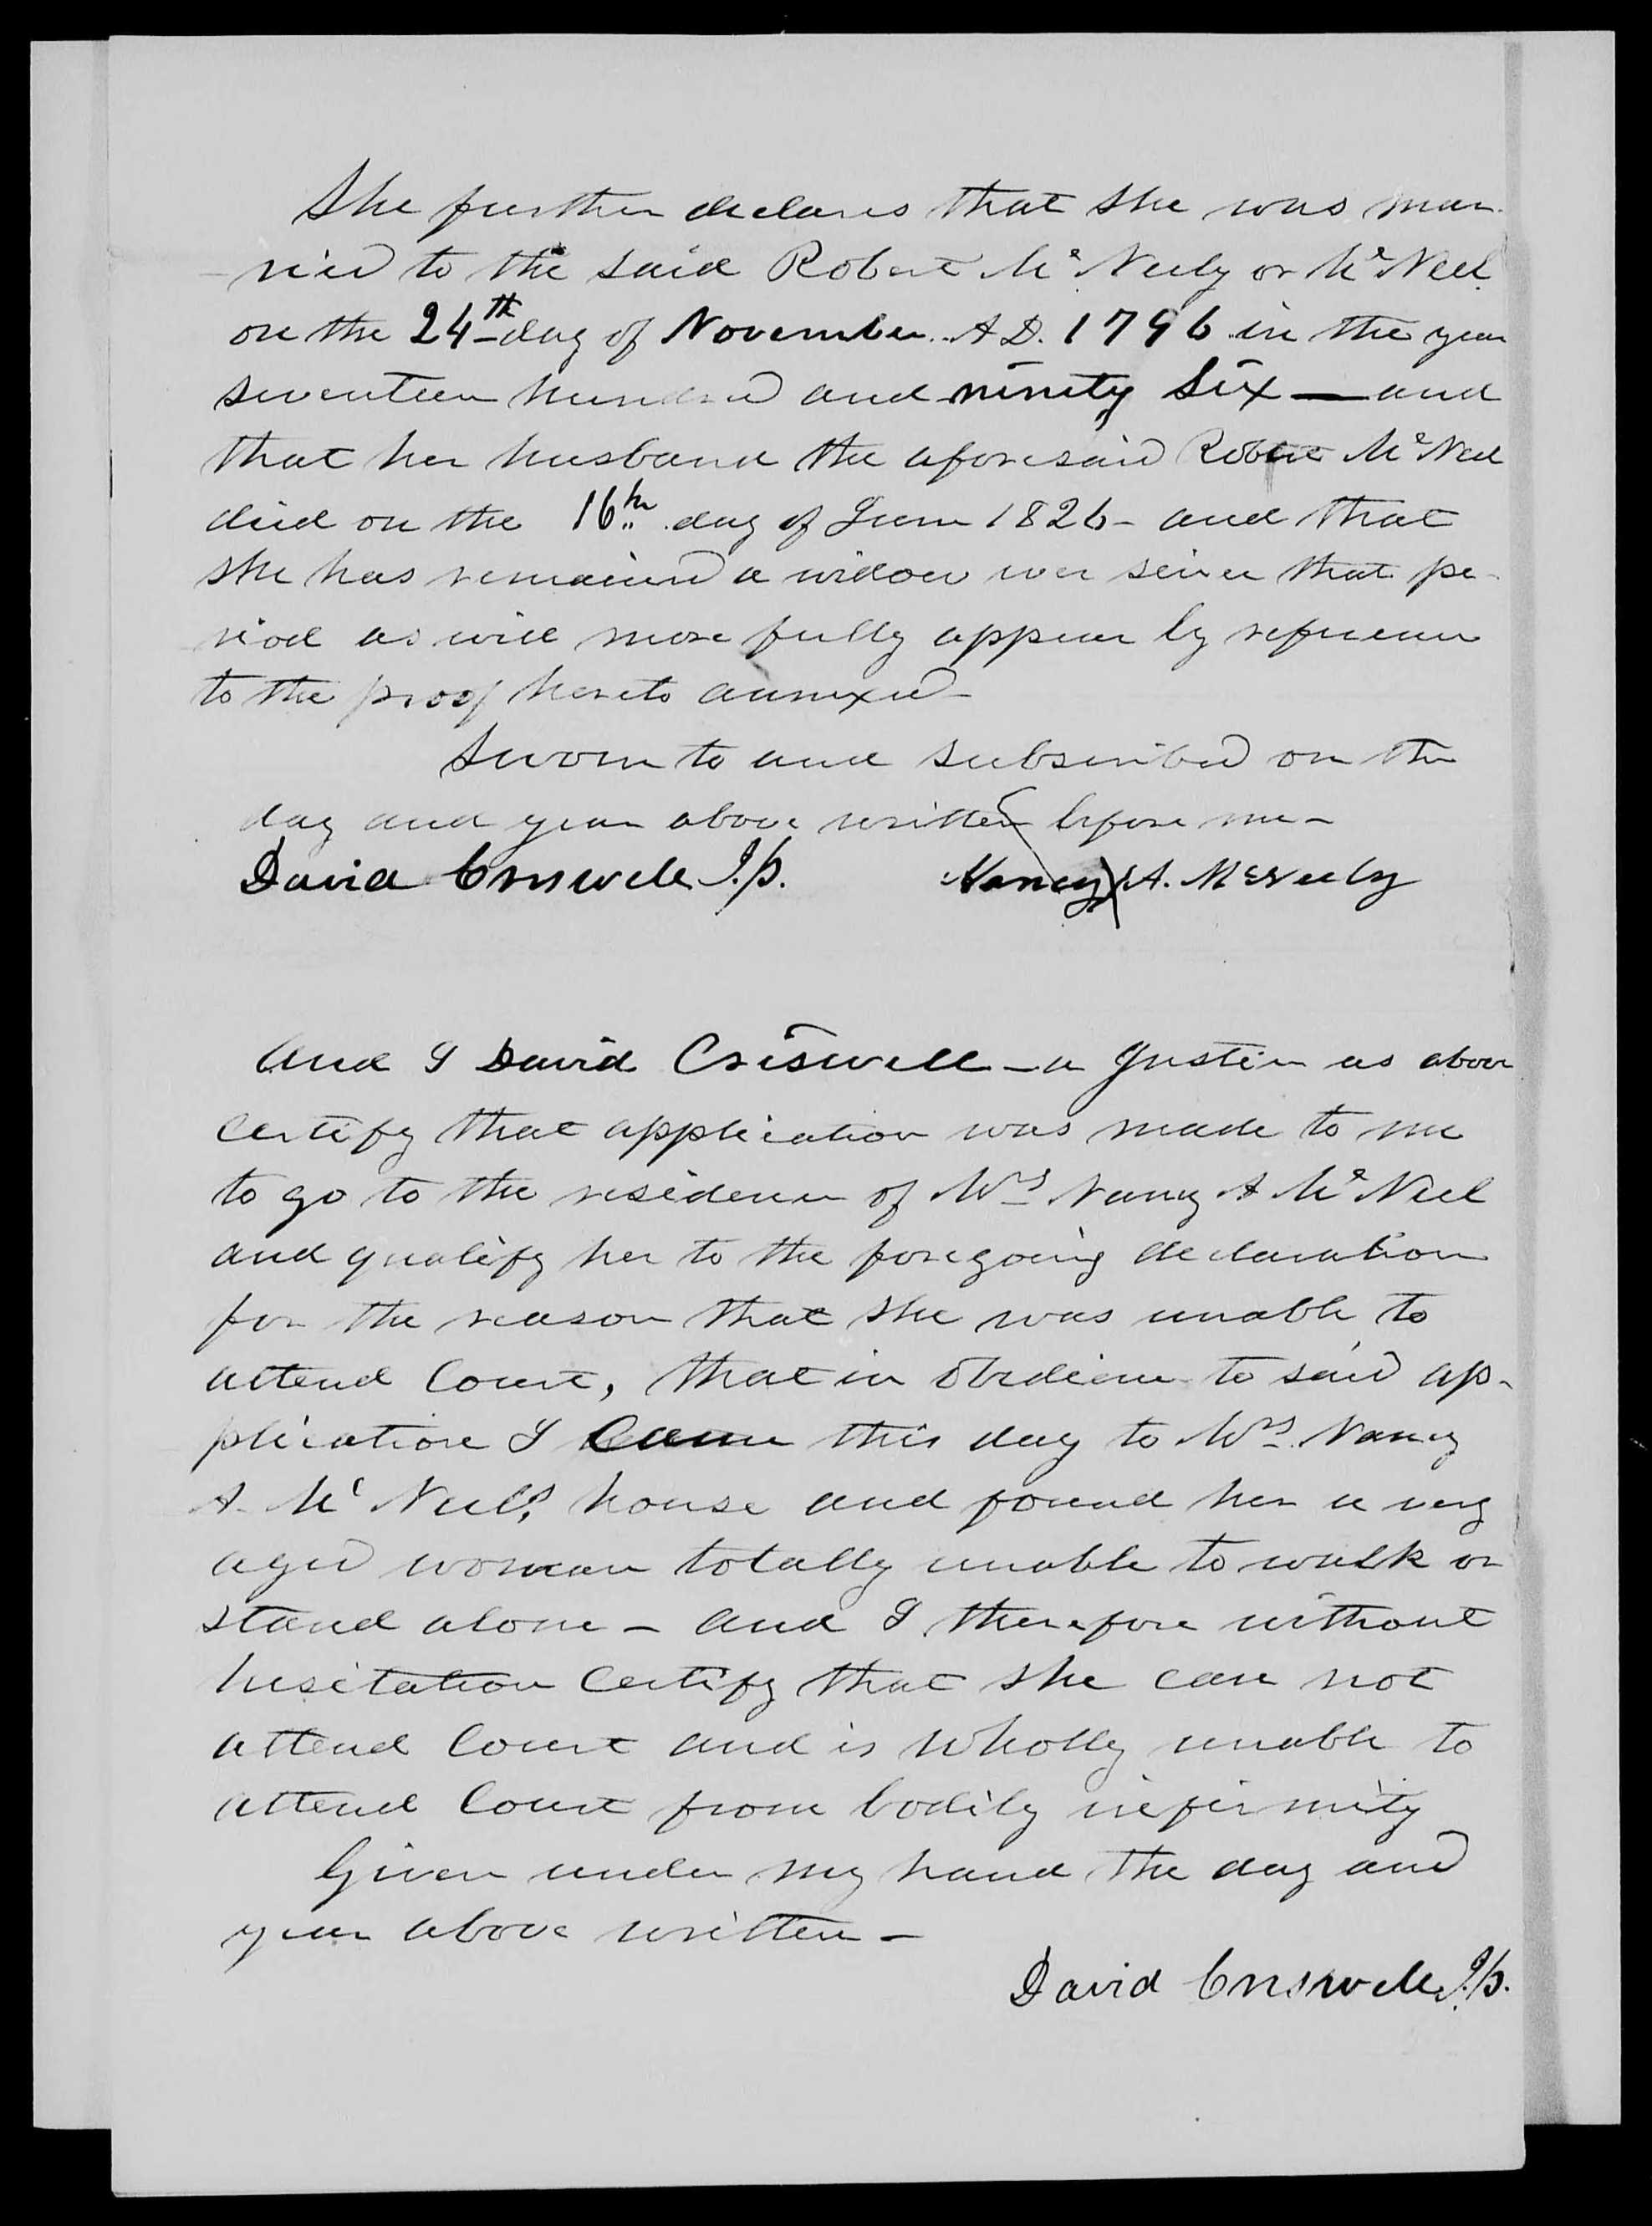She further declares that she was married to the said Robert McNeely or McNeil on the 24th day of November A.D. 1796 in the year seventeen hundred and ninety six - and that her husband the aforesaid Robert McNeil died on the 16th day of June 1826 - and that she has remained a widow ever since that period as will more fully appear by reference to the proof hereto annexed.
Sworn to and subscribed on the day and year above written before me.
[signed] David Crsiwell J.P
[signed] Nancy A. McNeely

And I David Criswell - a justice as above certify that application was made to me to go to the residence of Mrs Nancy McNeel and qualify her to the foregoing declaration for the reason that she was unable to attend court, that in obedience to said application I came this day to Mrs Nancy A. McNeels house and found her a very aged woman totally unable to walk or stand alone - and I therefore without hesitation certify that she can not attend court and is wholly unable to attend court from bodily infirmity.
Given under my hand, the day and year above written -
[signed] David Criswell J.P.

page: 6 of 13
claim: rejected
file: R. 6801, for Robert Mc Neely, Pennsylvania